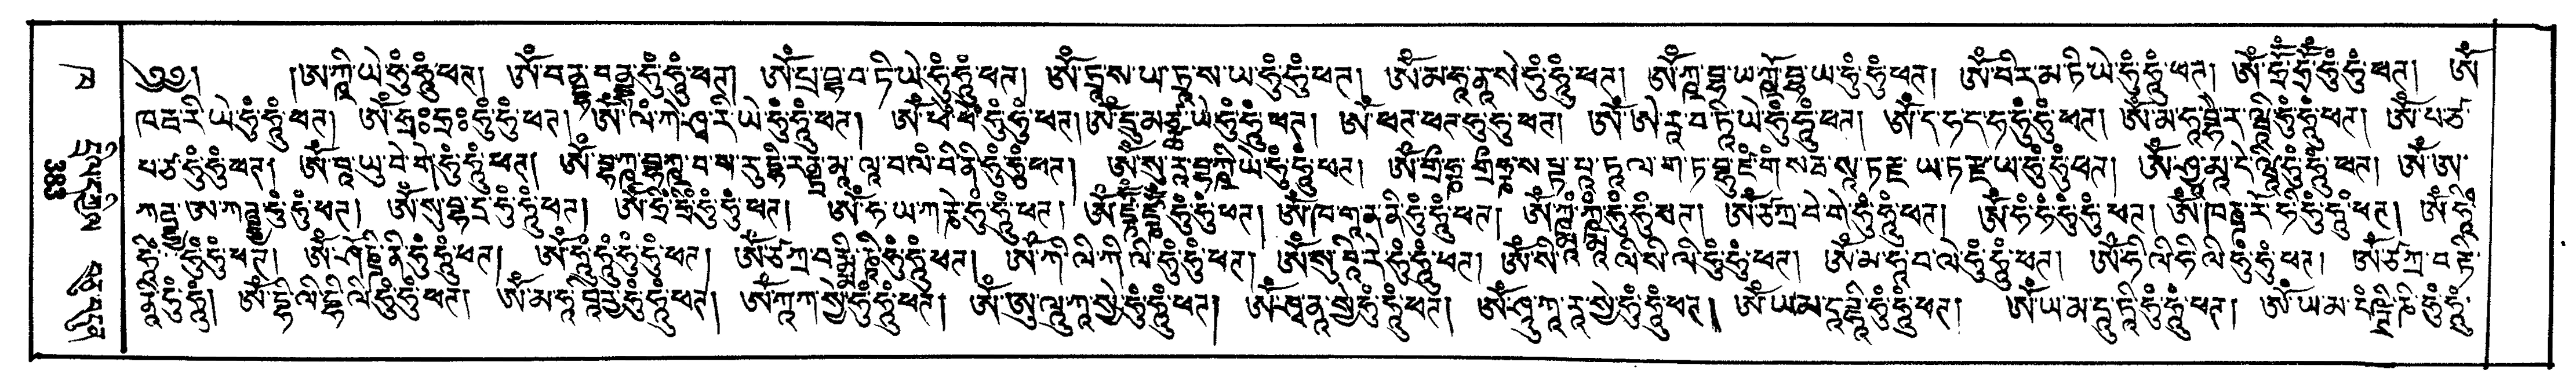༄༅། །ཨཀྵི་ཨ་ཡེ་ཧུཾ་ཧཱུཾ་ཕཊ། ཨོཾ་བནྡྷ་བནྡྷ་ཧུཾ་ཧཱུཾ་ཕཊ། ཨོཾ་པྲ་བྷཱ་བ་ཏི་ཡེ་ཧུཾ་ཧཱུཾ་ཕཊ། ཨོཾ་ཏྲཱ་ས་ཡ་ཏྲཱ་ས་ཡ་ཧུཾ་ཧཱུཾ་ཕཊ། ཨོཾ་མ་ཧཱ་ནཱ་སེ་ཧུཾ་ཧཱུཾ་ཕཊ། ཨོཾ་ཀྵོ་བྷ་ཡ་ཀྵོ་བྷ་ཡ་ཧུཾ་ཧཱུཾ་ཕཊ། ཨོཾ་བི་ར་མ་ཏཱི་ཡེ་ཧུཾ་ཧཱུཾ་ཕཊ། ཨོཾ་ཧྲཽཾ་ཧྲཽཾ་ཧུཾ་ཧུཾ་ཕཊ། ཨོཾ་
ཁརྦ་རི་ཡེ་ཧུཾ་ཧཱུཾ་ཕཊ། ཨོཾ་ཧྲཿ ཧྲཿ ཧུཾ་ཧུཾ་ཕཊ། ཨོཾ་ལཾ་ཀེ་ཤྭ་རི་ཡེ་ཧུཾ་ཧཱུཾ་ཕཊ། ཨོཾ་ཕེཾ་ཕེཾ་ཧུཾ་ཧཱུཾ་ཕཊ། ཨོཾ་དྲུ་མཙྪ་ཡེ་ཧུཾ་ཧཱུཾ་ཕཊ། ཨོཾ་ཕཊ་ཕཊ་ཧུཾ་ཧུཾ་ཕཊ། ཨོཾ་ཨེ་རཱ་བ་ཏཱི་ཡེ་ཧུཾ་ཧཱུཾ་ཕཊ། ཨོཾ་ད་ཧ་ད་ཧ་ཧུཾ་ཧཱུཾ་ཕཊ། ཨོཾ་མ་ཧཱ་བྷཻ་ར་ཝཱི་ཧུཾ་ཧཱུཾ་ཕཊ། ཨོཾ་པ་ཙ་
པ་ཙ་ཧུཾ་ཧུཾ་ཕཊ། ཨོཾ་བཱ་ཡུ་བེ་གེ་ཧུཾ་ཧཱུཾ་ཕཊ། ཨོཾ་བྷཀྵ་བྷཀྵ་བ་ས་རུ་དྷི་རཱནྟྲ་མཱ་ལཱ་བ་ལཾ་བི་ནི་ཧུཾ་ཧཱུཾ་ཕཊ། ཨོཾ་སུ་རཱ་བྷཀྵི་ཡེ་ཧུཾ་ཧཱུཾ་ཕཊ། ཨོཾ་གྲྀཧྞ་གྲྀཧྞ་སཔྟ་པཱ་ཏཱ་ལ་ག་ཏ་བྷུ་ཛཾ་གཾ་སརྦ་སཱ་ཏ་རྫ་ཡ་ཏ་རྫ་ཡ་ཧུཾ་ཧཱུཾ་ཕཊ། ཨོཾ་ཤྱཱ་མཱ་དེ་ཝཱི་ཧུཾ་ཧཱུཾ་ཕཊ། ཨོཾ་ཨ་
ཀཌྜྷྱ་ཨ་ཀཌྜྷྱ་ཧུཾ་ཧུཾ་ཕཊ། ཨོཾ་སུ་བྷ་དྲཻཾ་ཧུཾ་ཧཱུཾ་ཕཊ། ཨོཾ་ཧྲིཾ་ཧྲིཾ་ཧུཾ་ཧུཾ་ཕཊ། ཨོཾ་ཧ་ཡ་ཀརྞེ་ཧུཾ་ཧཱུཾ་ཕཊ། ཨོཾ་ཛསཽཾ་ཛྞཽཾ་ཧུཾ་ཧུཾ་ཕཊ། ཨོཾ་ཁགཱ་ན་ནེ་ཧུཾ་ཧཱུཾ་ཕཊ། ཨོཾ་ཀྴྨཱཾ་ཀྴྨཱཾ་ཧུཾ་ཧུཾ་ཕཊ། ཨོཾ་ཙཀྲ་བེ་གེ་ཧུཾ་ཧཱུཾ་ཕཊ། ཨོཾ་ཧཾ་ཧཾ་ཧུཾ་ཧུཾ་ཕཊ། ཨོཾ་ཁཎྜ་རོ་ཧི་ཧུཾ་ཧཱུཾ་ཕཊ། ཨོཾ་ཧཱིཾ་
ཧིཾ་ཧུཾ་ཧུཾ་ཕཊ། ཨོཾ་ཤོཎྜི་ནི་ཧུཾ་ཧཱུཾ་ཕཊ། ཨོཾ་ཧཱུཾ་ཧཱུཾ་ཧུཾ་ཧུཾ་ཕཊ། ཨོཾ་ཙཀྲ་བརྨྨི་ཎཱི་ཧུཾ་ཧཱུཾ་ཕཊ། ཨོཾ་ཀི་ལི་ཀི་ལི་ཧུཾ་ཧུཾ་ཕཊ། ཨོཾ་སུ་བཱི་རེ་ཧུཾ་ཧཱུཾ་ཕཊ། ཨོཾ་སི་བི་སླི་སི་ལི་ཧུཾ་ཧུཾ་ཕཊ། ཨོཾ་མ་ཧཱ་བ་ལེ་ཧུཾ་ཧཱུཾ་ཕཊ། ཨོཾ་ཧི་ལི་ཧི་ལི་ཧུཾ་ཧཱུཾ་ཕཊ། ཨོཾ་ཙཀྲ་བརྟི་
ནཱི་ཧུཾ་ཧཱུཾ། ཨོཾ་དྷི་ལི་དྷི་ལི་ཧུཾ་ཧུཾ་ཕཊ། ཨོཾ་མ་ཧཱ་བཱརྱ་ཧུཾ་ཧཱུཾ་ཕཊ། ཨོཾ་ཀཱ་ཀ་སྱེཾ་ཧུཾ་ཧཱུཾ་ཕཊ། ཨོཾ་ཨུ་ལཱུ་ཀཱ་སྱེ་ཧུཾ་ཧཱུཾ་ཕཊ། ཨོཾ་ཤྭ་ནཱ་སྱེ་ཧུཾ་ཧཱུཾ་ཕཊ། ཨོཾ་ཤཱུ་ཀཱ་རཱ་སྱེ་ཧུཾ་ཧཱུཾ་ཕཊ། ཨོཾ་ཡ་མ་དཱ་ཌྷཱི་ཧུཾ་ཧཱུཾ་ཕཊ། ཨོཾ་ཡ་མ་དཱུ་ཏཱི་ཧུཾ་ཧཱུཾ་ཕཊ། ཨོཾ་ཡ་མ་དཾཥྚྲི་ཎི་ཧུཾ་ཧཱུཾ་